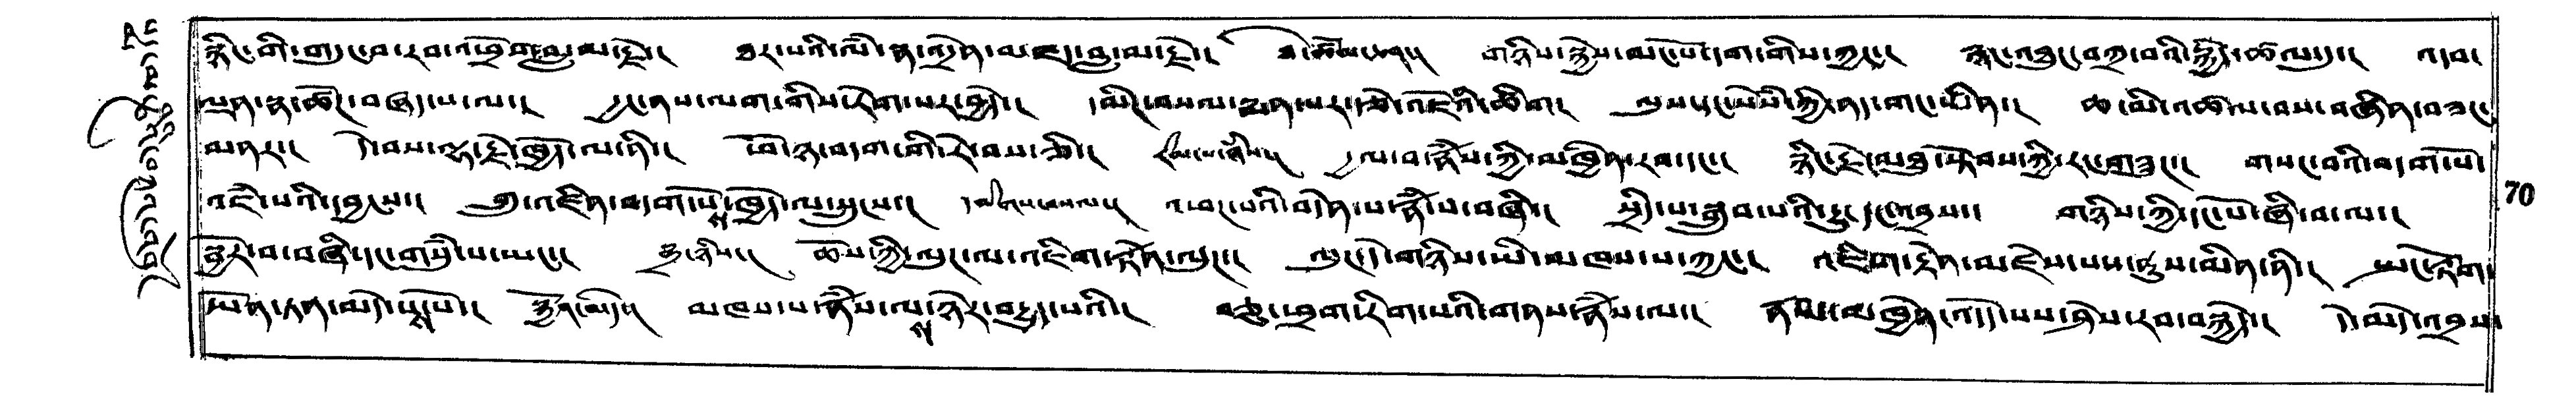།སྙིང་གི་གདུང་བ་རབ་འཕྲོག་བླ་མ་རྗེ། །ཐར་པའི་ལམ་སྣ་འདྲེན་མཛད་བླ་མ་རྗེ། ཐེ་ཚོམ་ཅན། གཉིས་སྐྱེས་མང་པོ་དག་གིས་ཀྱང་། །རྐང་འཐུང་བཀྲ་བའི་སྐྱེད་ཚལ་དུ། །འདབ་
ལྡན་སྣ་ཚོགས་བཞད་པ་ལ། །རྒྱང་ནས་ལག་གིས་རེག་པར་བྱེད། །དམིགས་བསལ་སྨན་པར་རྩེ་འཇོའི་ཚིག ལུས་དང་སེམས་ཀྱི་ནད་གང་ཡིན། །ཆ་མི་འཚལ་བས་བཞིན་བཟང་
མནར། །དེ་བས་ལྷ་རྗེ་ཁྱོད་ལ་ནི། །ཕོ་ཉ་བདག་གི་རེ་བས་ཅི། ། རིམ་པ་ཉམས། རྒྱལ་བ་རྣམས་ཀྱི་མཁྱེན་རབ་དང་། །སྙིང་རྗེའི་མཐུ་སྟོབས་ཀྱི་རང་གཟུགས། །གསང་བའི་བདག་པོ་
འཇམ་པའི་དབྱངས། །གྲུ་འཛིན་བདག་པོས་ཁྱོད་ལ་སྲུངས། ། དམིགས་བསལ། འཕགས་པའི་བདེན་པ་རྣམ་པ་བཞི། །སྲིད་པ་སྒྲུབ་པའི་རྒྱུ་དང་འབྲས། །གཉིས་ཀྱི་དང་པོ་ཞི་བ་ལ། །
སྦྱོར་བ་བཞི་དང་གསུམ་པ་ཡང་། ། སྒྲ་ཉམས། ཆོས་ཀྱི་ལུགས་ལ་འཇིག་རྟེན་ལུགས། །ལུགས་དེ་གཉིས་ཡིན་མཁས་པས་ཀྱང་། །འཇིག་རྟེན་མཛེས་པས་ནུས་མིན་ནི། །སྤངས་རྟོགས་
ཡོན་ཏན་མེད་པས་སོ། ། སྐྱོན་མེད། །མཁས་པ་རྣམས་ལས་ཉེར་བརྒྱུད་པའི། །བཅུ་ཕྲག་རིག་པའི་གནས་རྣམས་ལ། །རྣམ་མཁྱེན་འདོད་པས་ཤེས་རབ་བསྐྱེད། །དེ་མེད་འབྲས་